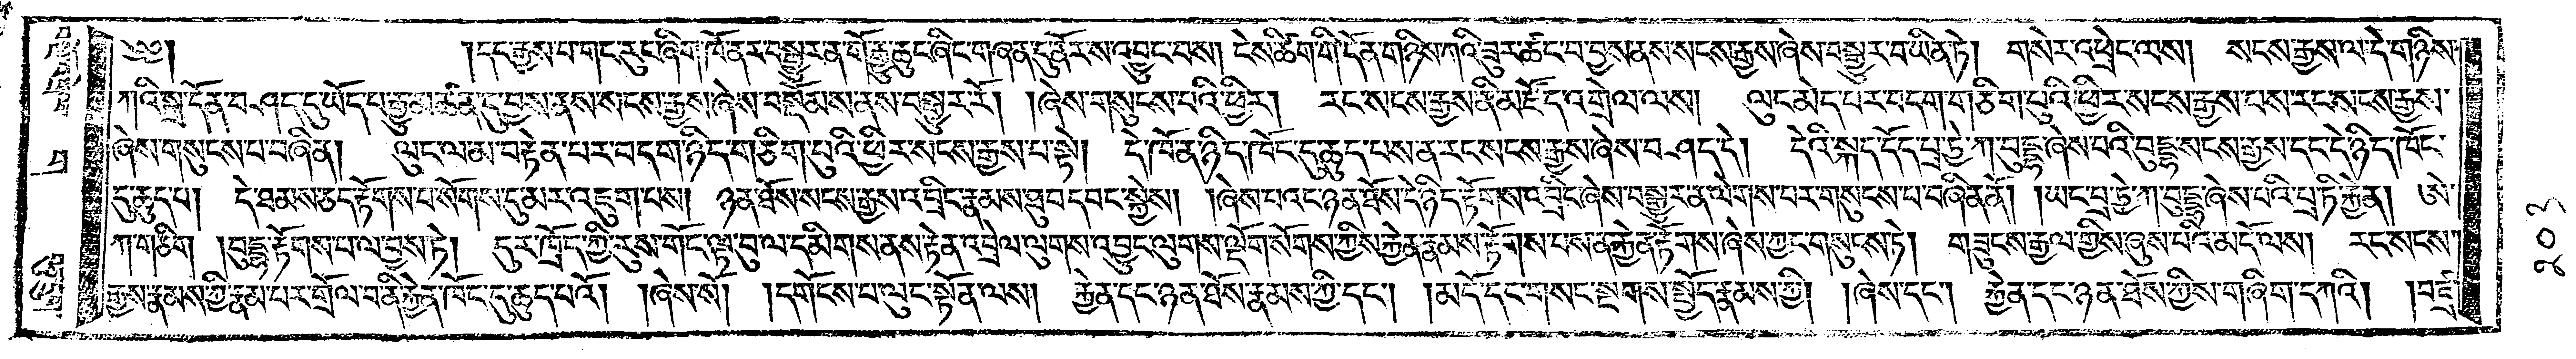༄༅། །དང་རྒྱས་པ་གང་རུང་ཞིག་ཁོ་ནར་བསྒྱུར་ན་གོ་རྒྱུ་ཆུང་ཞིང་གཞན་དུ་ནོར་ས་འབྱུང་བས། ངེས་ཚིག་གི་དོན་གཉིས་ཀའི་ཟུར་ཚང་བ་བྱས་ནས་སངས་རྒྱས་ཞེས་བསྒྱུར་བ་ཡིན་ཏེ། གསེར་འཕྲེང་ལས། སངས་རྒྱས་ལ་དེ་གཉིས་
ཀའི་སྒྲ་དོན་བཤད་དུ་ཡོད་བ་རྒྱུ་མཚན་དུ་བྱས་ནས་སངས་རྒྱས་ཞེས་བསྡོམས་ནས་བསྒྱུར་རོ། །ཞེས་གསུངས་པའི་ཕྱིར། རང་སངས་རྒྱས་ནི་མཛོད་འགྲེལ་ལས། ལུང་མེད་པར་བདག་གཅིག་པུའི་ཕྱིར་སངས་རྒྱས་བས་རང་སངས་རྒྱས་
ཞེས་གསུངས་པ་བཞིན། ལུང་ལ་མ་བརྟེན་པར་བདག་ཉིད་གཅིག་པུའི་ཕྱིར་སངས་རྒྱས་པ་སྟེ། དེ་ཁོ་ན་ཉིད་ཁོང་དུ་ཆུད་པས་ན་རང་སངས་རྒྱས་ཞེས་བཤད་དེ། དེའི་སྐད་དོད་པྲ་ཏྱེ་ཀ་བུདྡྷ་ཞེས་བའི་བུདྡྷ་སངས་རྒྱས་དང་དེ་ཉིད་ཁོང་
དུ་ཆུད་པ། དེ་ཐམས་ཅད་རྟོགས་བ་སོགས་དུ་མར་འཇུག་པས། ཉན་ཐོས་སངས་རྒྱས་འབྲིང་རྣམས་ཐུབ་དབང་སྐྱེས། །ཞེས་བའང་ཉན་ཐོས་དེ་ཉིད་རྟོགས་འབྲིང་ཞེས་བསྒྱུར་ན་ལེགས་པར་གསུངས་པ་བཞིན་ནོ། །ཡང་བྲ་ཏྱེ་ཀ་བུདྡྷ་ཞེས་བའི་པྲ་ཏི་རྐྱེན། ཨེ་
ཀ་གཅིག །བུདྡྷ་རྟོགས་པ་ལ་བྱས་ཏེ། དུར་ཁྲོད་ཀྱི་རུས་གོང་ལྟ་བུ་ལ་དམིགས་ནས་རྟེན་འབྲེལ་ལུགས་འབྱུང་ལུགས་ལྡོག་སོགས་ཀྱིས་རྐྱེན་རྣམས་རྟོགས་པས་ན་རྐྱེན་རྟོགས་ཞེས་ཀྱང་གསུངས་ཏེ། གཟུངས་རྒྱལ་གྱིས་ཞུས་པའི་མདོ་ལས། རང་སངས་
རྒྱས་རྣམས་ཀྱི་རྣམ་པར་གྲོལ་བ་ནི་རྐྱེན་ཁོང་དུ་ཆུད་པའོ། །ཞེས་སོ། །དགོངས་པ་ལུང་སྟོན་ལས། རྐྱེན་དང་ཉན་ཐོས་རྣམས་ཀྱི་དང་། །མདོ་དང་གསང་སྔགས་སྤྱོད་རྣམས་ཀྱི། །ཞེས་དང་། རྐྱེན་དང་ཉན་ཐོས་ཀྱིས་གཞིག་དཀའི། །བཛྲ་